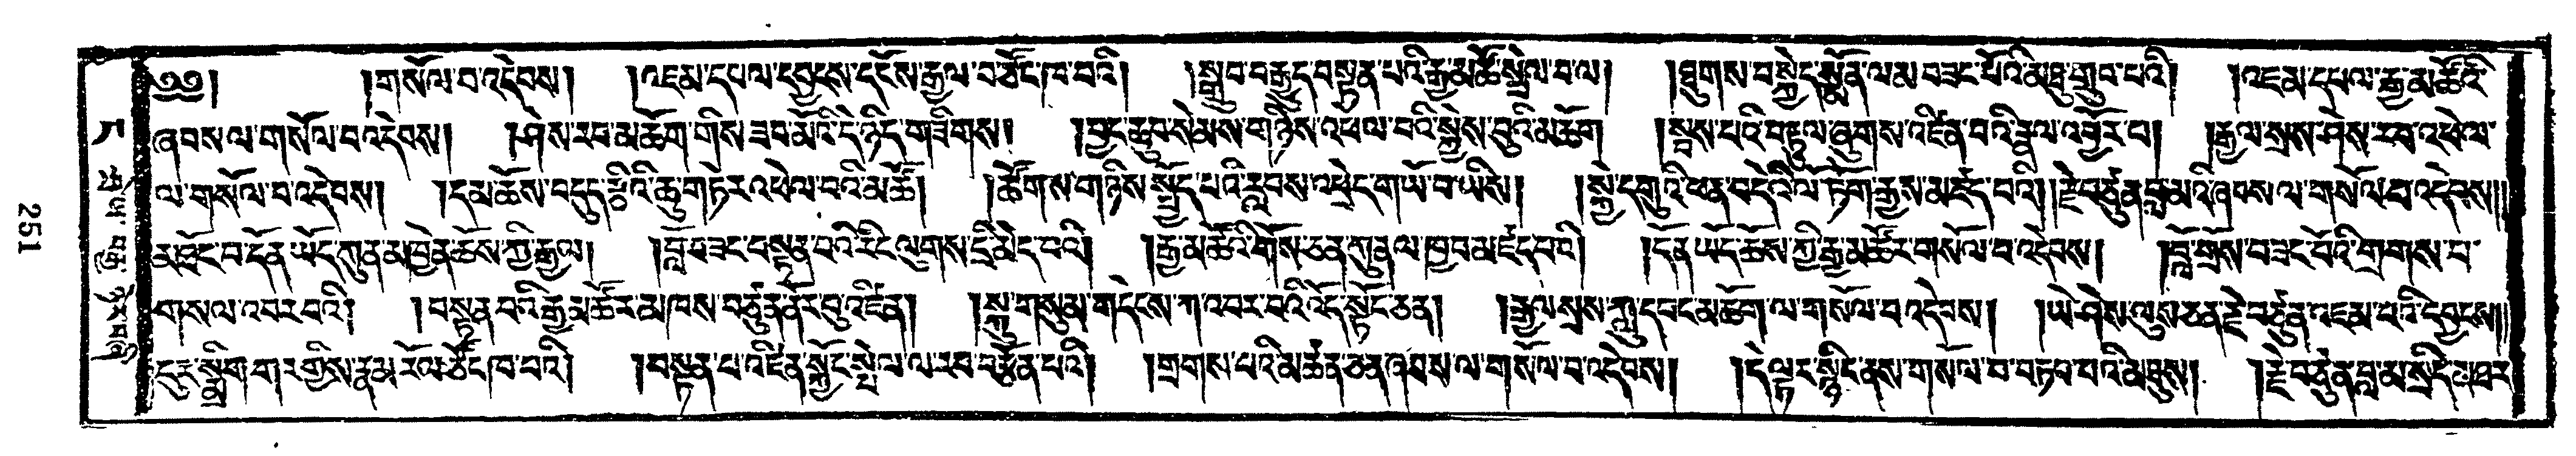༄༅། །གསོལ་བ་འདེབས། །འཇམ་དཔལ་དབྱངས་དངོས་རྒྱལ་བ་ཙོང་ཁ་བའི། །སྒྲུབ་བརྒྱུད་བསྟན་པའི་རྒྱ་མཚོ་སྤེལ་བ་ལ། །ཐུགས་བསྐྱེད་སྨོན་ལམ་བཟང་པོའི་མཐུ་གྲུབ་པའི། །འཇམ་དཔལ་རྒྱ་མཚོའི་
ཞབས་ལ་གསོལ་བ་འདེབས། །ཤེས་རབ་མཆོག་གིས་ཟབ་མོའི་དེ་ཉིད་གཟིགས། །བྱང་ཆུབ་སེམས་གཉིས་འཕེལ་བའི་སྐྱེས་བུའི་མཆོག །སྦས་པའི་བརྟུལ་ཞུགས་འཛིན་བའི་རྣལ་འབྱོར་པ། །རྒྱལ་སྲས་ཤེས་རབ་འཕེལ་
ལ་གསོལ་བ་འདེབས། །དམ་ཆོས་བདུད་རྩིའི་ཆུ་གཏེར་འཕེལ་བའི་མཚོ། །ཚོགས་གཉིས་སྤྱོད་པའི་རླབས་འཕྲེང་གཡོ་བ་ཡིས། །སྐྱེ་དགུའི་ཕན་བདེའི་ལོ་ཏོག་རྒྱས་མཛད་བའི། །རྗེ་བཙུན་བླ་མའི་ཞབས་ལ་གསོལ་བ་འདེབས།།
མཐོང་བ་དོན་ཡོད་ཀུན་མཁྱེན་ཆོས་ཀྱི་རྒྱལ། །བློ་བཟང་བསྟན་པའི་རིང་ལུགས་དྲི་མེད་བའི། །རྒྱ་མཚོའི་གོས་ཅན་ཀུན་ལ་ཁྱབ་མཛད་བའི། །དོན་ཡོད་ཆོས་ཀྱི་རྒྱ་མཚོར་གསོལ་བ་འདེབས། །བློ་གྲོས་བཟང་པོའི་གྲགས་པ་
གསལ་འབར་བའི། །བསྟན་བའི་རྒྱ་མཚོར་མཁས་བཙུན་ནོར་བུ་འཛིན། །སྐུ་གསུམ་གདེངས་ཀ་འབར་བའི་འོད་སྟོང་ཅན། །རྒྱལ་སྲས་ཀླུ་དབང་མཆོག་ལ་གསོལ་བ་འདེབས། །ཡེ་ཤེས་ལུས་ཅན་རྗེ་བཙུན་འཇམ་པའི་དབྱངས།།
དུར་སྨྲིག་གར་གྱིས་རྣམ་རོལ་ཙོང་ཁ་བའི། །བསྟན་པ་འཛིན་སྐྱོང་སྤེལ་ལ་རབ་བརྩོན་པའི། །གྲགས་པའི་མཚན་ཅན་ཞབས་ལ་གསོལ་བ་འདེབས། །དེ་ལྟར་སྙིང་ནས་གསོལ་བ་བཏབ་པའི་མཐུས། །རྗེ་བཙུན་བླ་མ་སྲིད་མཐར་